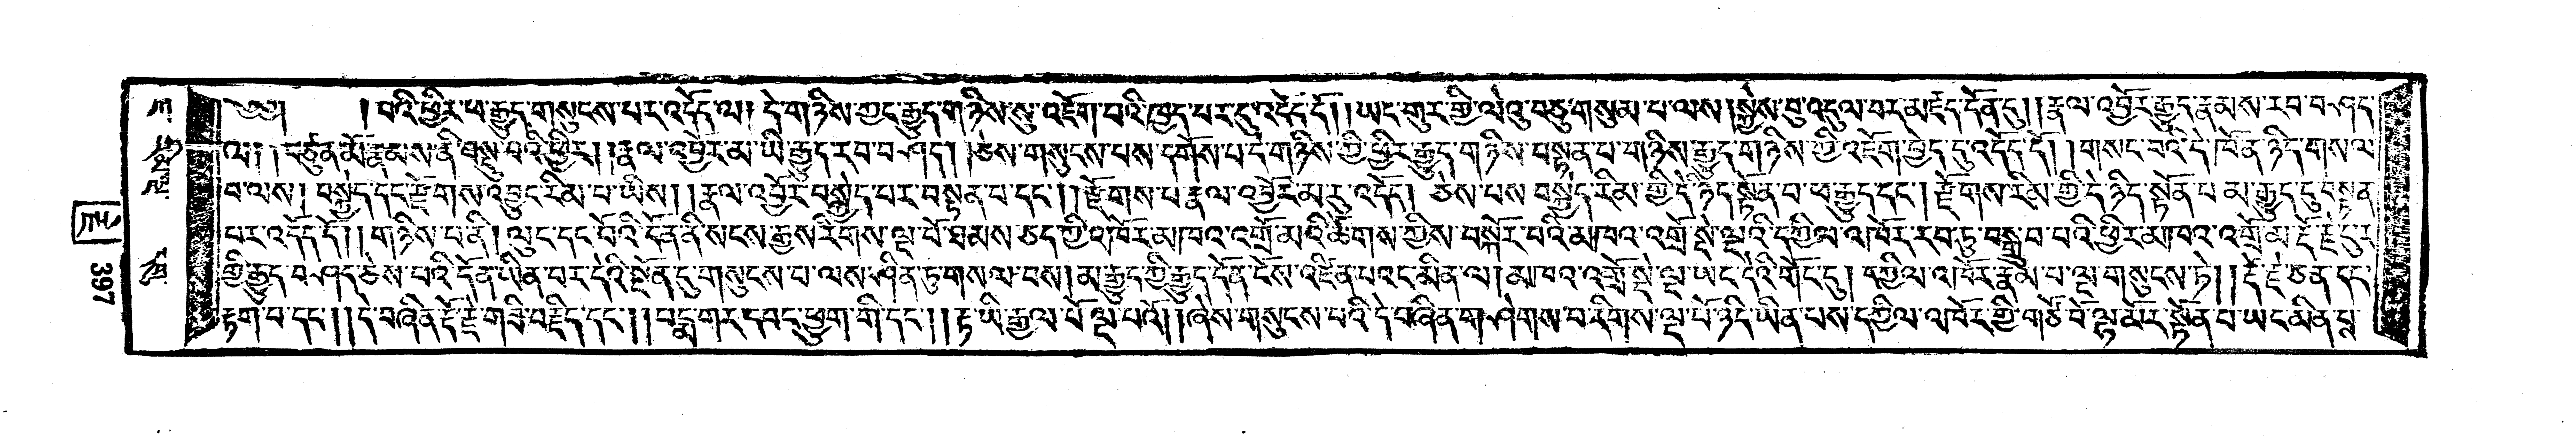༄༅། །བའི་ཕྱིར་ཕ་རྒྱུད་གསུངས་པར་འདོད་ལ། དེ་གཉིས་ཀྱང་རྒྱུད་གཉིས་སུ་འཇོག་པའི་ཁྱད་པར་དུ་འདོད་དོ། །ཡང་གུར་གྱི་ལེའུ་བཅུ་གསུམ་པ་ལས། སྐྱེས་བུ་འདུལ་བར་མཛད་དོན་དུ། །རྣལ་འབྱོར་རྒྱུད་རྣམས་རབ་བཤད་
ལ། །བཙུན་མོ་རྣམས་ནི་བསྡུ་བའི་ཕྱིར། །རྣལ་འབྱོར་མ་ཡི་རྒྱུད་རབ་བཤད། །ཅེས་གསུངས་པས་དགོས་པ་དེ་གཉིས་ཀྱི་ཕྱིར་རྒྱུད་གཉིས་བསྟན་པ་གཉིས་རྒྱུད་གཉིས་ཀྱི་འཇོག་བྱེད་དུ་འདོད་དོ། །གསང་བའི་དེ་ཁོ་ན་ཉིད་གསལ་
བ་ལས། བསྐྱེད་དང་རྫོགས་འབྱུང་རིམ་པ་ཡིས། །རྣལ་འབྱོར་བསྐྱེད་པར་བསྟན་པ་དང་། །རྫོགས་པ་རྣལ་འབྱོར་མ་རུ་འདོད། ཅེས་པས་བསྐྱེད་རིམ་གྱི་དེ་ཉིད་སྟོན་པ་ཕ་རྒྱུད་དང་། རྫོགས་རིམ་གྱི་དེ་ཉིད་སྟོན་པ་མ་རྒྱུད་དུ་བསྟན་
པར་འདོད་དོ། །གཉིས་པ་ནི། ལུང་དང་པོའི་དོན་ནི་སངས་རྒྱས་རིགས་ལྔ་པོ་ཐམས་ཅད་ཀྱི་འཁོར་མཁའ་འགྲོ་མའི་ཚོགས་ཀྱིས་བསྐོར་བའི་མཁའ་འགྲོ་སྡེ་ལྔའི་དཀྱིལ་འཁོར་རབ་ཏུ་བསྒྲུབ་པའི་ཕྱིར་མཁའ་འགྲོ་མ་རྡོ་རྗེ་གུར་
གྱི་རྒྱུད་བཤད་ཅེས་པའི་དོན་ཡིན་པར་དེའི་སྔོན་དུ་གསུངས་པ་ལས་ཤིན་ཏུ་གསལ་བས། མ་རྒྱུད་ཀྱི་རྒྱུད་དོན་ངོས་འཛིན་པའང་མིན་ལ། མཁའ་འགྲོ་སྡེ་ལྔ་ཡང་དེའི་གོང་དུ། དཀྱིལ་འཁོར་རྣམ་པ་ལྔ་གསུངས་ཏེ། །རྡོ་རྗེ་ཅན་དང་
རྟག་པ་དང་། །དེ་བཞིན་རྡོ་རྗེ་གཟི་བརྗིད་དང་། །པདམ་གར་དབང་ཕྱུག་གི་དང་། །རྟ་ཡི་རྒྱལ་པོ་ལྔ་པའོ། །ཞེས་གསུངས་པའི་དེ་བཞིན་གཤེགས་པ་རིགས་ལྔ་པོ་ཉིད་ཡིན་པས་དཀྱིལ་འཁོར་གྱི་གཙོ་བོ་ལྷ་མོར་སྟོན་པ་ཡང་མིན་པས་